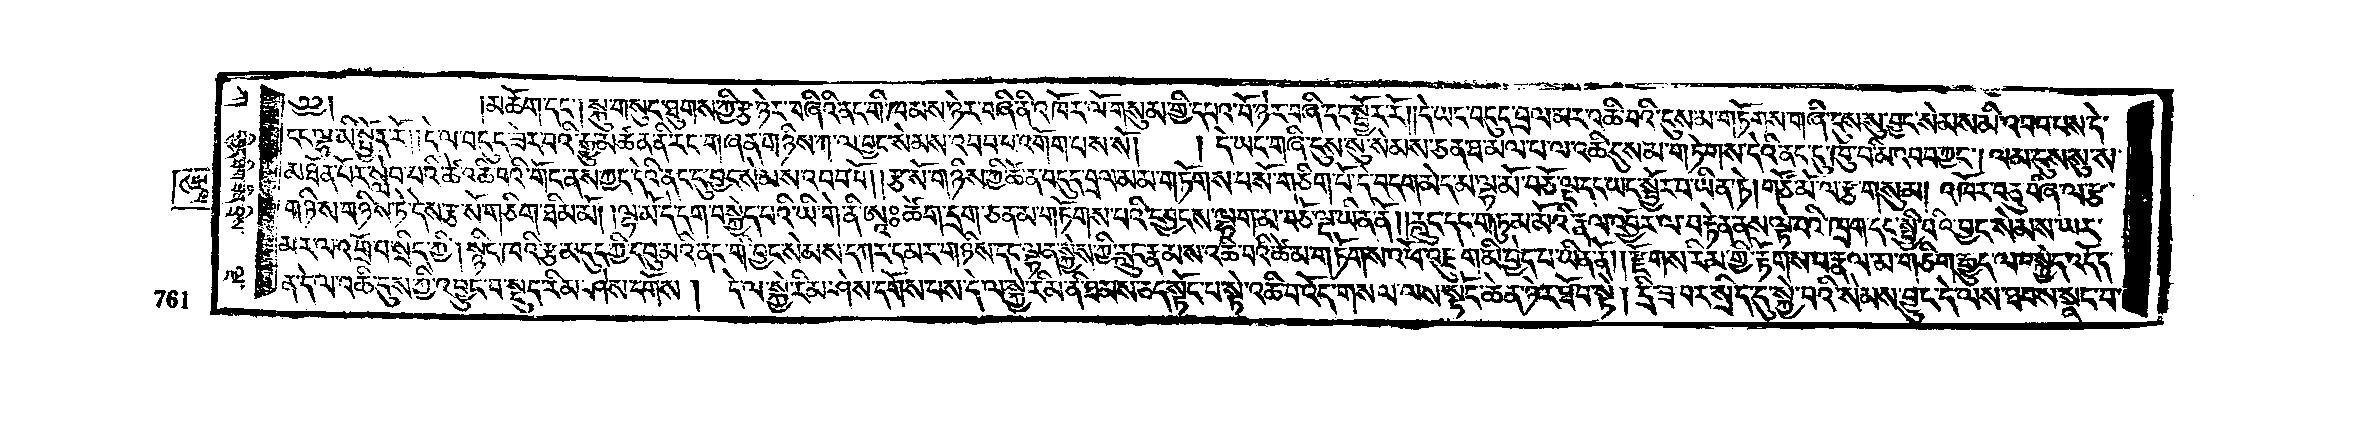༄༅། །མཆོག་དང་། སྐུ་གསུང་ཐུགས་ཀྱི་རྩ་ཉེར་བཞིའི་ནང་གི་ཁམས་ཉེར་བཞི་ནི་འཁོར་ལོ་གསུམ་གྱི་དཔའ་བོ་ཉེར་བཞི་དང་སྦྱོར་རོ། །དེ་ཡང་བདུད་བྲལ་མར་འཆི་བའི་དུས་མ་གཏོགས་གཞི་དུས་སུ་བྱང་སེམས་མི་འབབ་པས་དེ་
དང་ལྷ་མི་སྦྱོར་རོ། །དེ་ལ་བདུད་ཟེར་བའི་རྒྱུ་མཚན་ནི་རང་གཞན་གཉིས་ཀ་ལ་བྱང་སེམས་འབབ་པ་འགོག་པས་སོ། །དེ་ཡང་གཞི་དུས་སུ་སེམས་ཅན་ཐ་མལ་པ་ལ་འཆི་དུས་མ་གཏེགས་དེའི་ནང་དུ་ཁུ་བ་མི་འབབ་ཀྱང་། ལམ་དུས་སུ་ས་
མཐོན་པོར་སློབ་པའི་ཚེ་འཆི་བའི་གོང་ནས་ཀྱང་དེའི་ནང་དུ་བྱང་སེམས་འབབ་བོ། །རྩ་སོ་གཉིས་ཀྱི་ཚེ་ན་བདུད་བྲལ་མམ་གཏོགས་པ་སོ་གཅིག་པོ་དེ་བདག་མེད་མ་ལྷ་མོ་བཅོ་ལྔ་དང་ཡང་སྦྱོར་བ་ཡིན་ཏེ། གཙོ་མོ་ལ་རྩ་གསུམ། འཁོར་བཅུ་བཞི་ལ་རྩ་
གཉིས་གཉིས་ཏེ་དེས་རྩ་སོ་གཅིག་ཐིམ་མོ། །ལྷ་མོ་དེ་དག་བསྐྱེད་པའི་ཡི་གེ་ནི་ཨཱཿ ཚེག་དྲག་ཅན་མ་གཏོགས་པའི་དབྱངས་ལྷག་མ་བཅོ་ལྔ་ཡིན་ནོ། །རླུང་དང་གཏུམ་མོའི་རྣལ་འབྱོར་ལ་བརྟེན་ནས་ལྟེ་བའི་ཁྲག་དང་སྦྱི་བའི་བྱང་སེམས་ཡར་
མར་ལ་འགྲོ་བ་སྲིད་ཀྱི། སྙིང་ཁའི་རྩ་མདུད་ཀྱི་དབུ་མའི་ནང་གི་བྱང་སེམས་དཀར་དམར་གཉིས་དང་ལྷན་སྐྱེས་ཀྱི་རླུང་རྣམས་འཆི་བའི་ཚེ་མ་གཏོགས་འཕོ་འཇུག་མི་བྱེད་པ་ཡིན་ནོ། །རྫོགས་རིམ་གྱི་རྟོགས་པ་རྣལ་མ་གཅིག་རྒྱུད་ལ་བསྐྱེད་འདོད་
ན་དེ་ལ་འཆི་དུས་ཀྱི་འབྱུང་བ་སྡུད་རིམ་ཤེས་དགོས། དེ་ལ་སྐྱེ་རིམ་ཤེས་དགོས་པས་དེ་ལ་སྐྱེ་རིམ་ནི་ཐམས་ཅད་སྟོང་པ་སྟེ་འཆི་བ་འོད་གསལ་ལས་སྟོང་ཆེན་ཉེར་ཐོབ་སྟེ། དྲི་ཟ་བར་སྲིད་དུ་སྐྱེ་བའི་སེམས་བྱུང་དེ་ལས་ཐབས་སྣང་བ་